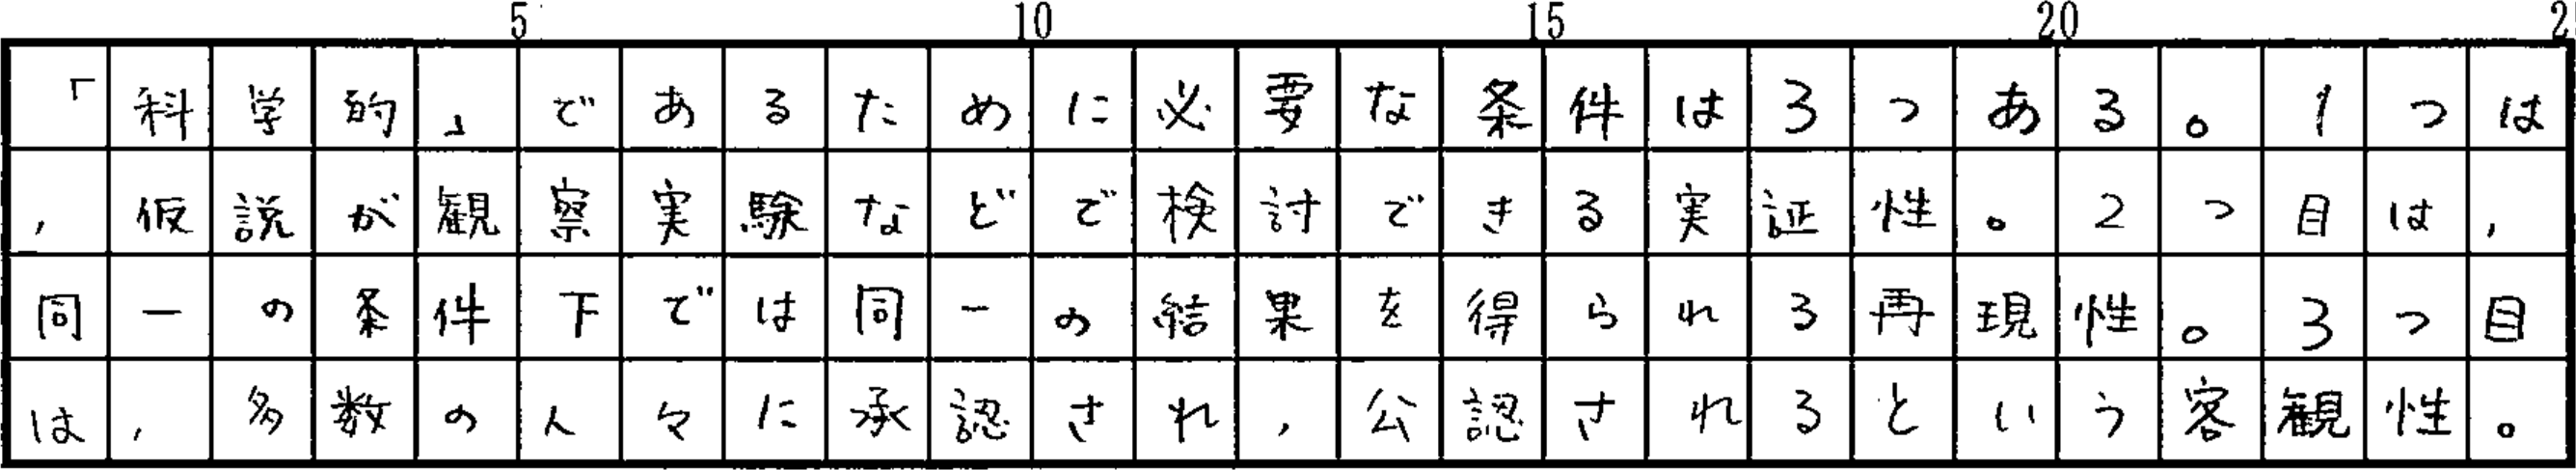「科学的」であるために必要な条件は３つある。１つは、仮説が観察実験などで検討できる実証性。２つ目は、同一の条件下では同一の結果を得られる再現性。３つ目は、多数の人々に承認され、公認されるという客観性。
